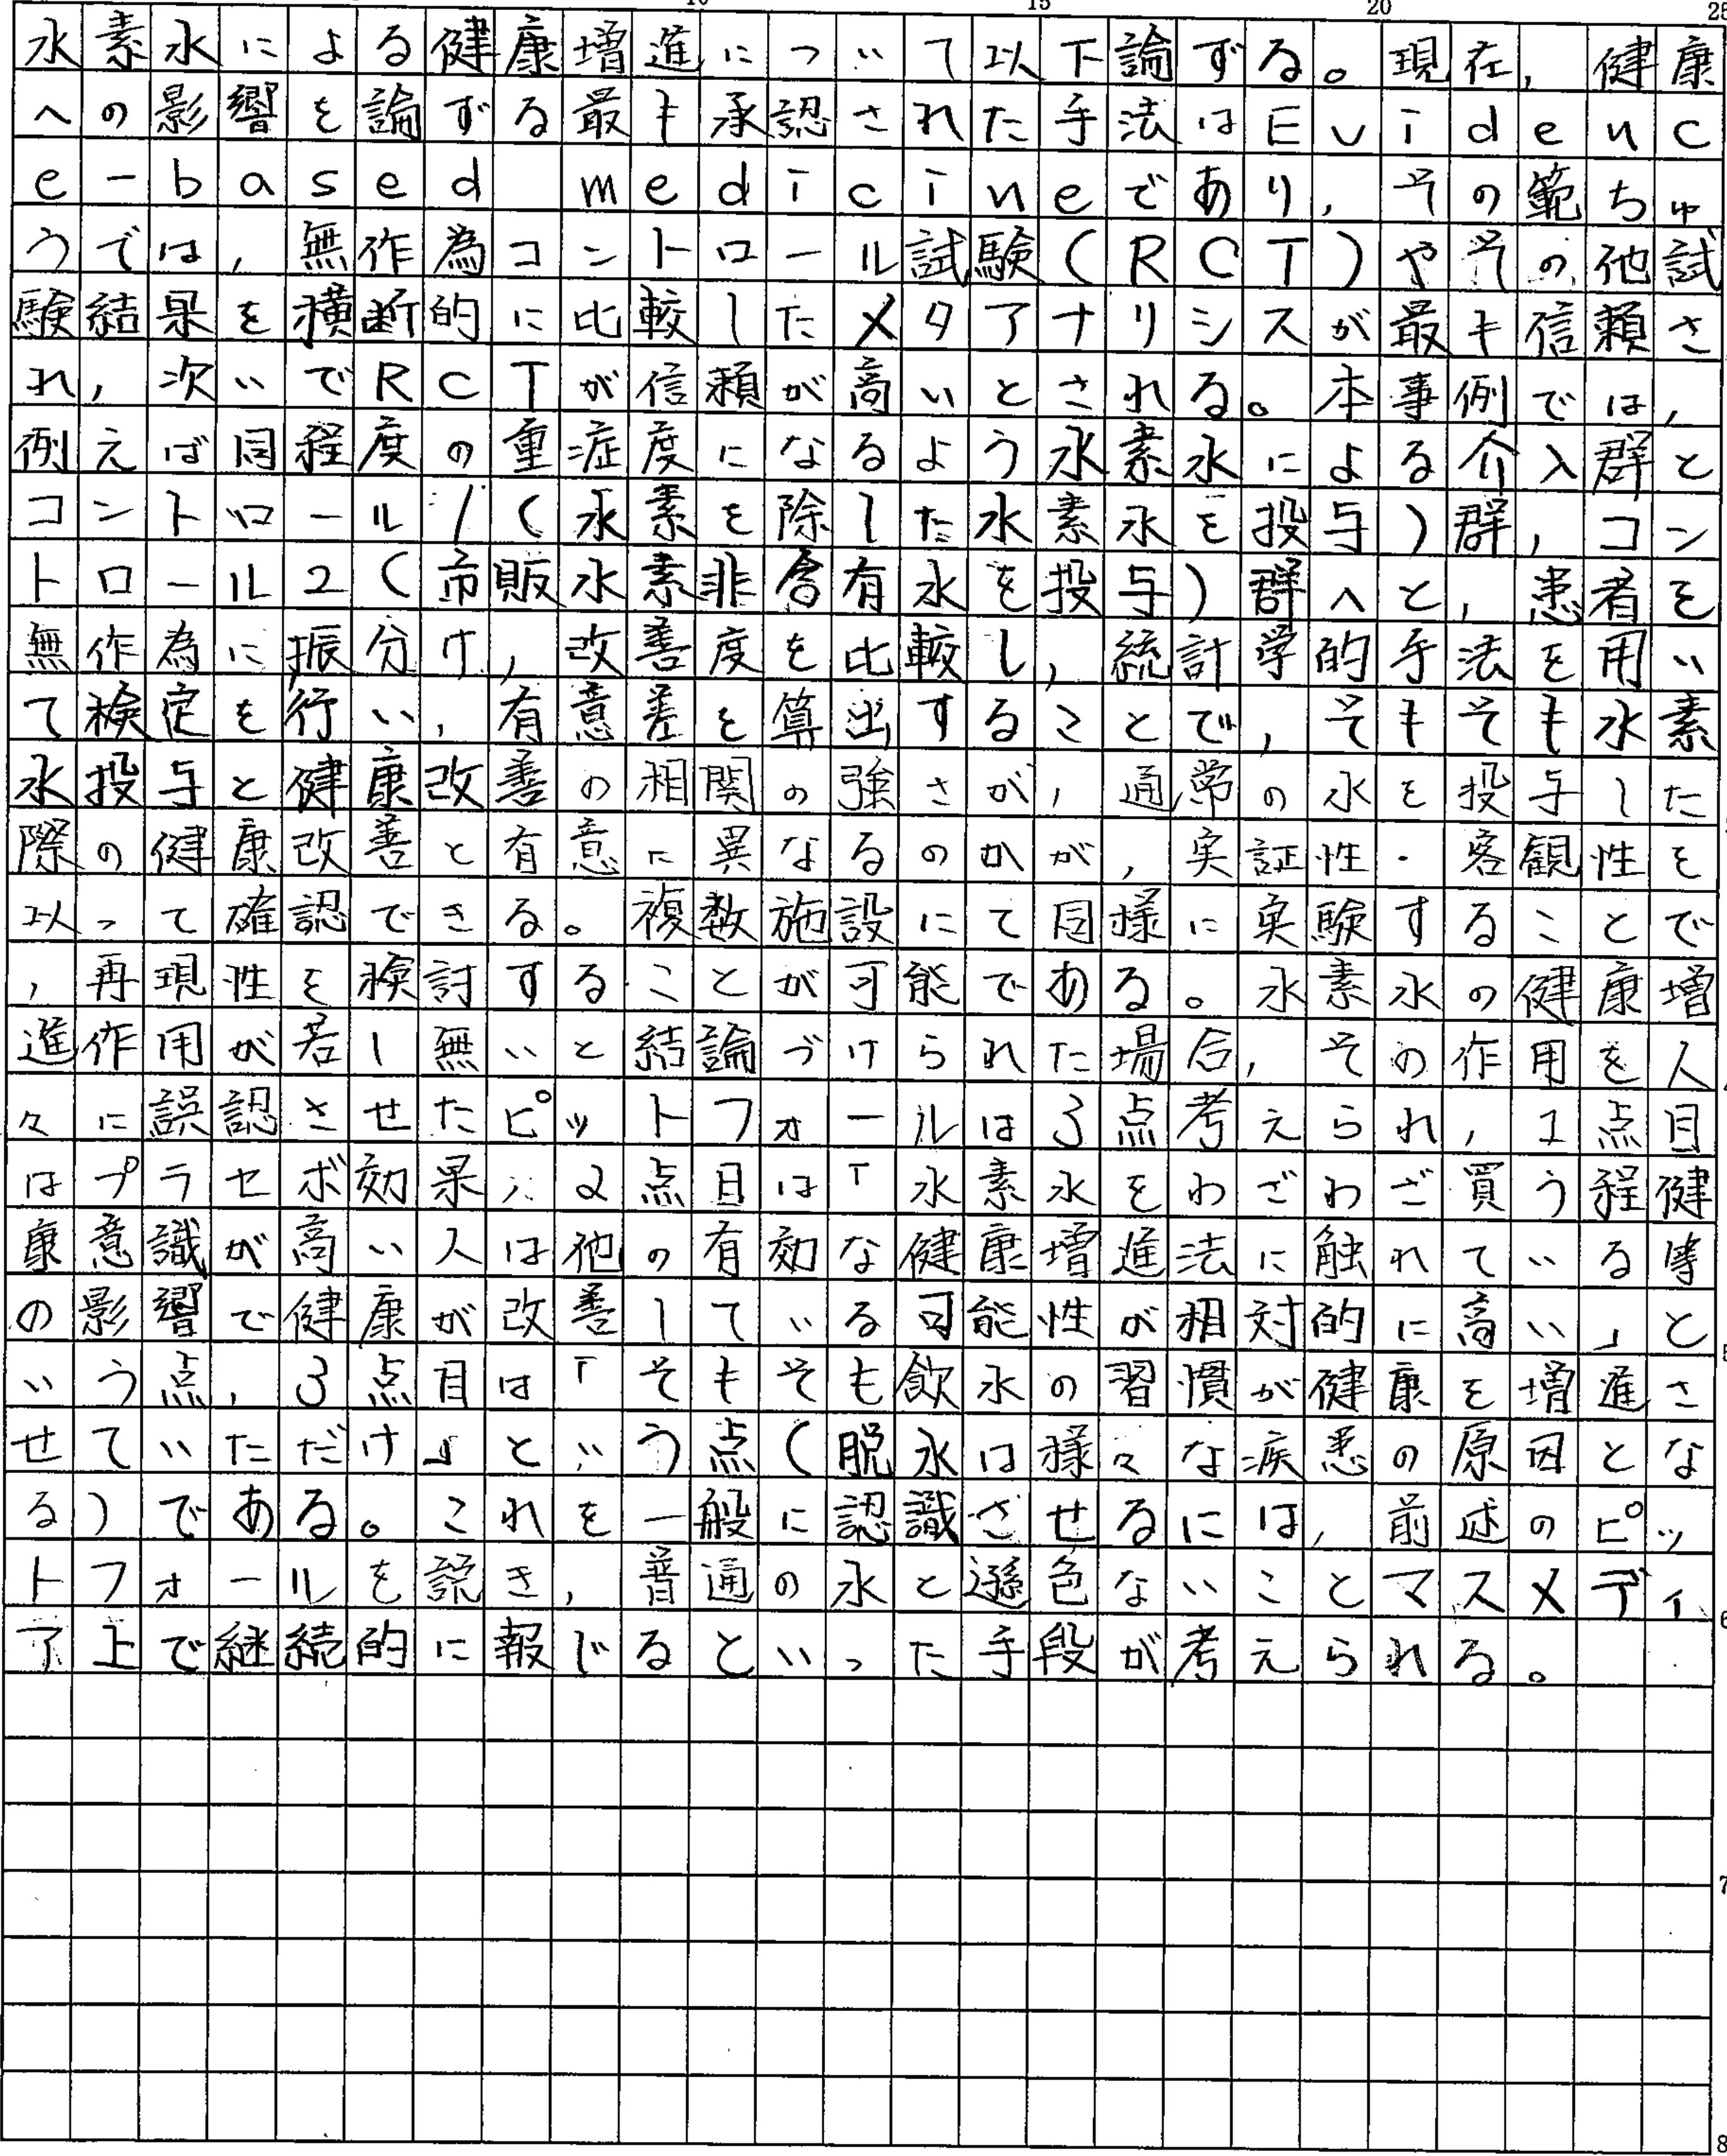水素水による健康増進について以下論ずる。現在、健康への影響を論ずる最も承認された手法はＥｖｉｄｅｎｃｅ－ｂａｓｅｄ　ｍｅｄｉｃｉｎｅであり、その範ちゅうでは、無作為コントロール試験（ＲＣＴ）やその他試験結果を横断的に比較したメタアナリシスが最も信頼され、次いでＲＣＴが信頼が高いとされる。本事例では、例えば同程度の重症度になるよう水素水による介入群とコントロール１（水素を除した水素水を投与）群、コントロール２（市販水素非含有水を投与）群へと、患者を無作為に振分け、改善度を比較し、統計学的手法を用いて検定を行い、有意差を算出することで、そもそも水素水投与と健康改善の相関の強さが、通常の水を投与した際の健康改善と有意に異なるのかが、実証性・客観性を以って確認できる。複数施設にて同様に実験することで、再現性を検討することが可能である。水素水の健康増進作用が若し無いと結論づけられた場合、その作用を人々に誤認させたピットフォールは３点考えられ、１点目はプラセボ効果２点目は「水素水をわざわざ買う程健康意識が高い人は他の有効な健康増進法に触れている等の影響で健康が改善している可能性が相対的に高い」という点、３点目は「そもそも飲水の習慣が健康を増進させていただけ」という点（脱水は様々な疾患の原因となる）である。これを一般に認識させるには、前述のピットフォールを説き、普通の水と遜色ないことマスメディア上で継続的に報じるといった手段が考えられる。
